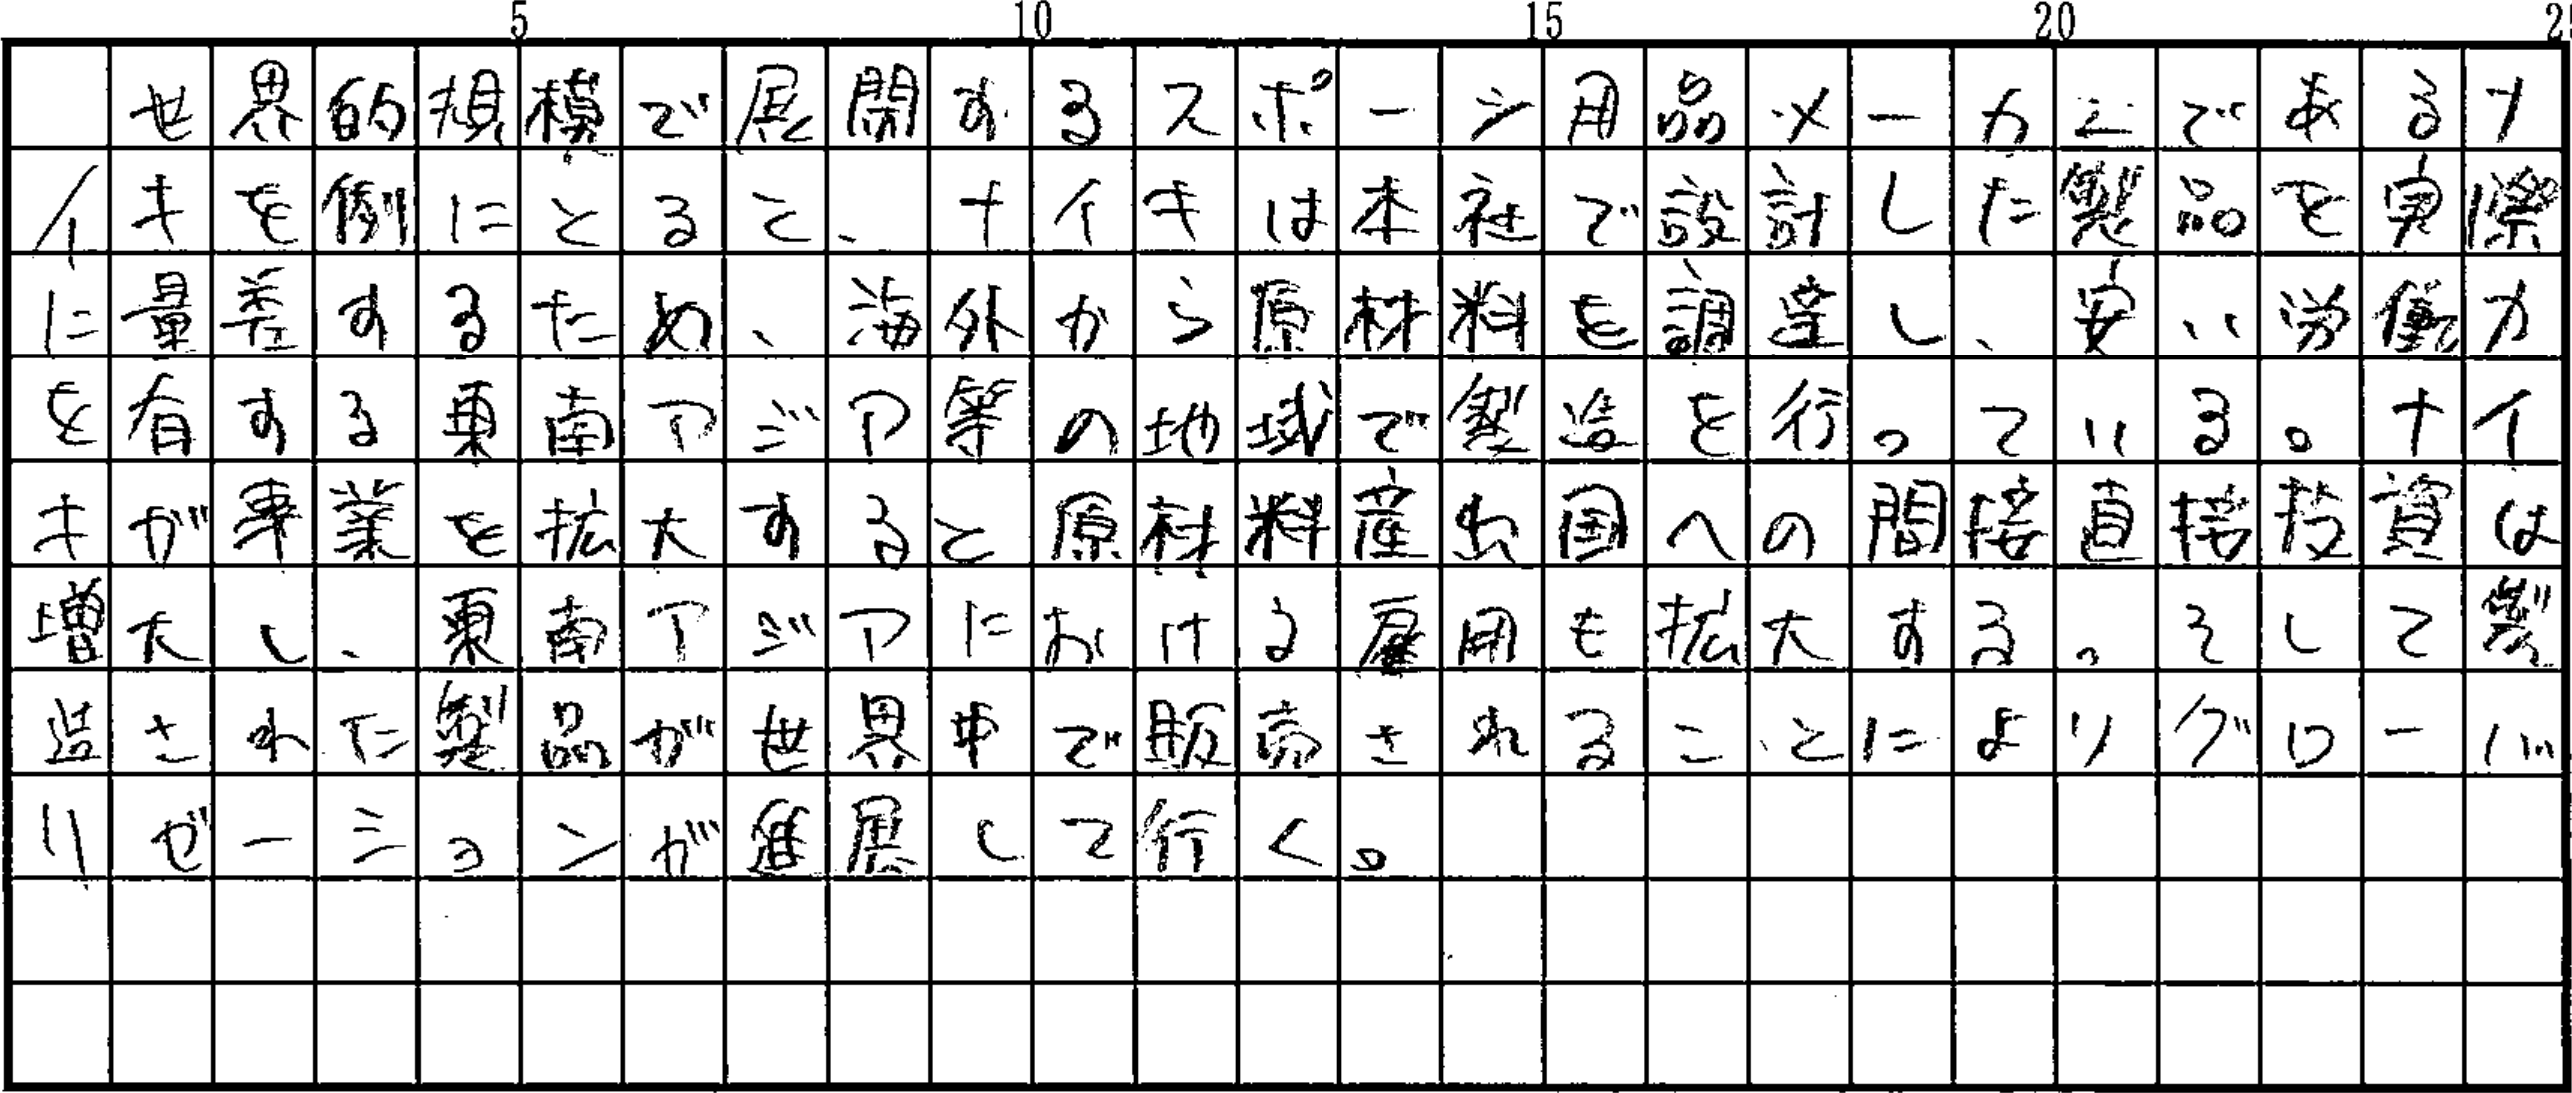　世界的規模で展開するスポーツ用品メーカーであるナイキを例にとると、ナイキは本社で設計した製品を実際に量差するため、海外から原材料を調達し、安い労働力を有する東南アジア等の地域で製造を行っている。ナイキが事業を拡大すると原材料産出国への間接直接投資は増大し、東南アジアにおける雇用も拡大する。そして製造された製品が世界中で販売されることによりグローバリゼーションが進展して行く。
